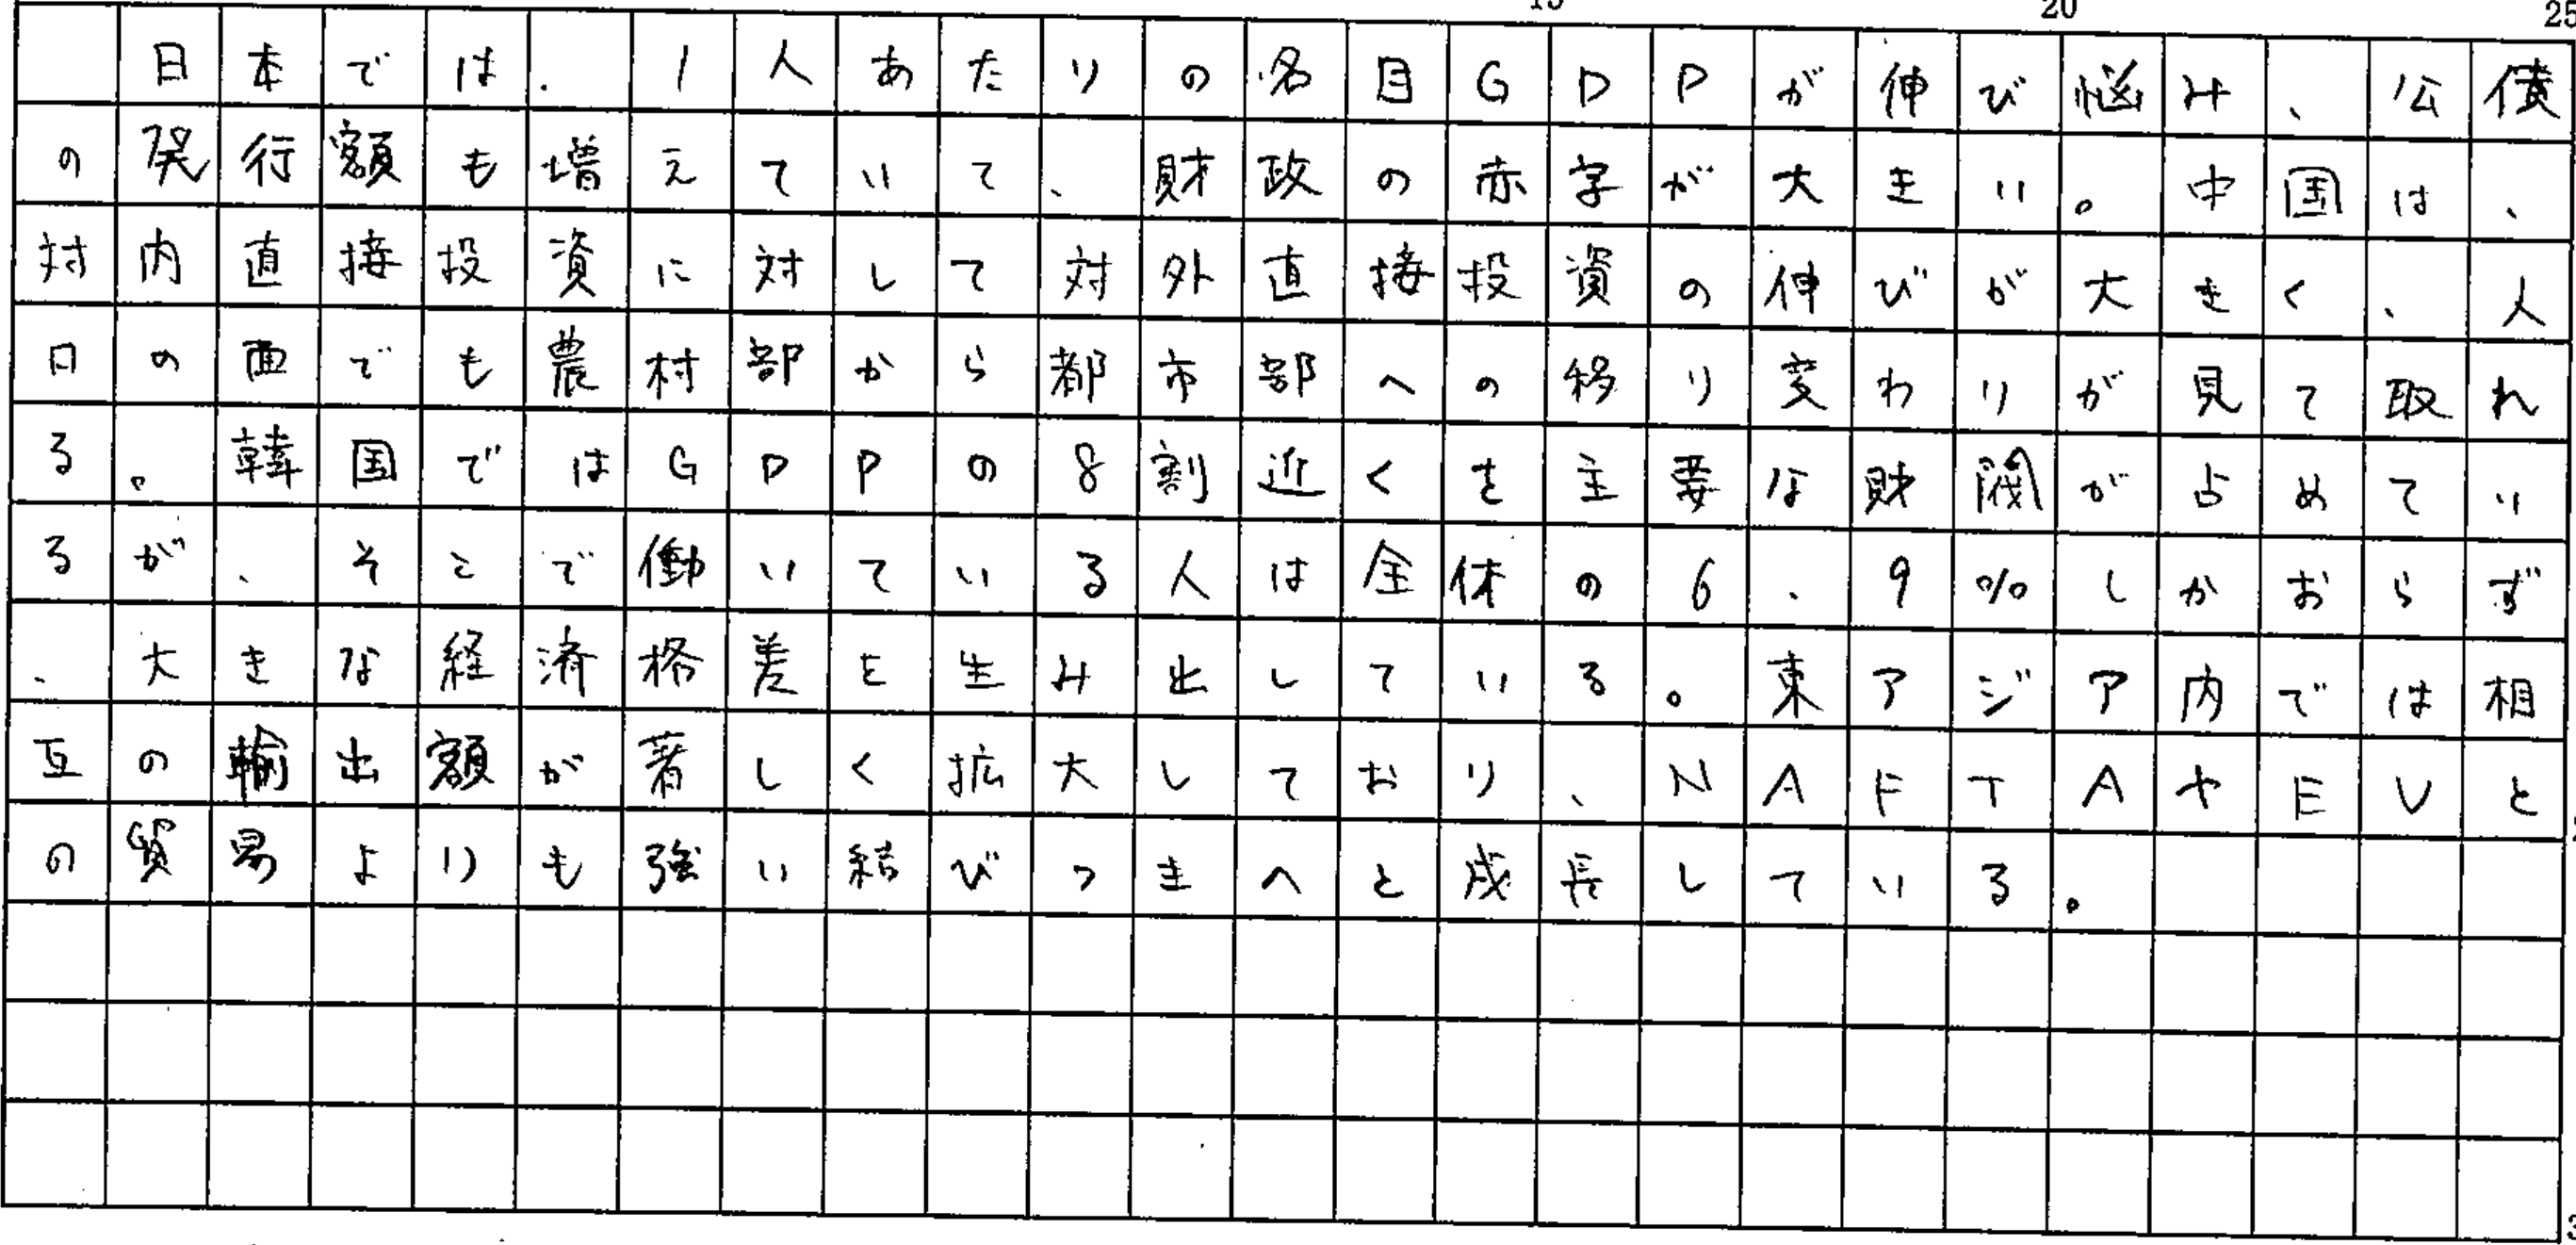　日本では、１人あたりの名目ＧＤＰが伸び悩み、公債の発行額も増えていて、財政の赤字が大きい。中国は、対内直接投資に対して対外直接投資の伸びが大きく、人口の面でも農村部から都市部への移り変わりが見て取れる。韓国ではＧＤＰの８割近くを主要な財閥が占めているが、そこで働いている人は全体の６．９％しかおらず、大きな経済格差を生み出している。東アジア内では相互の輸出額が著しく拡大しており、ＮＡＦＴＡやＥＵとの貿易よりも強い結びつきへと成長している。
